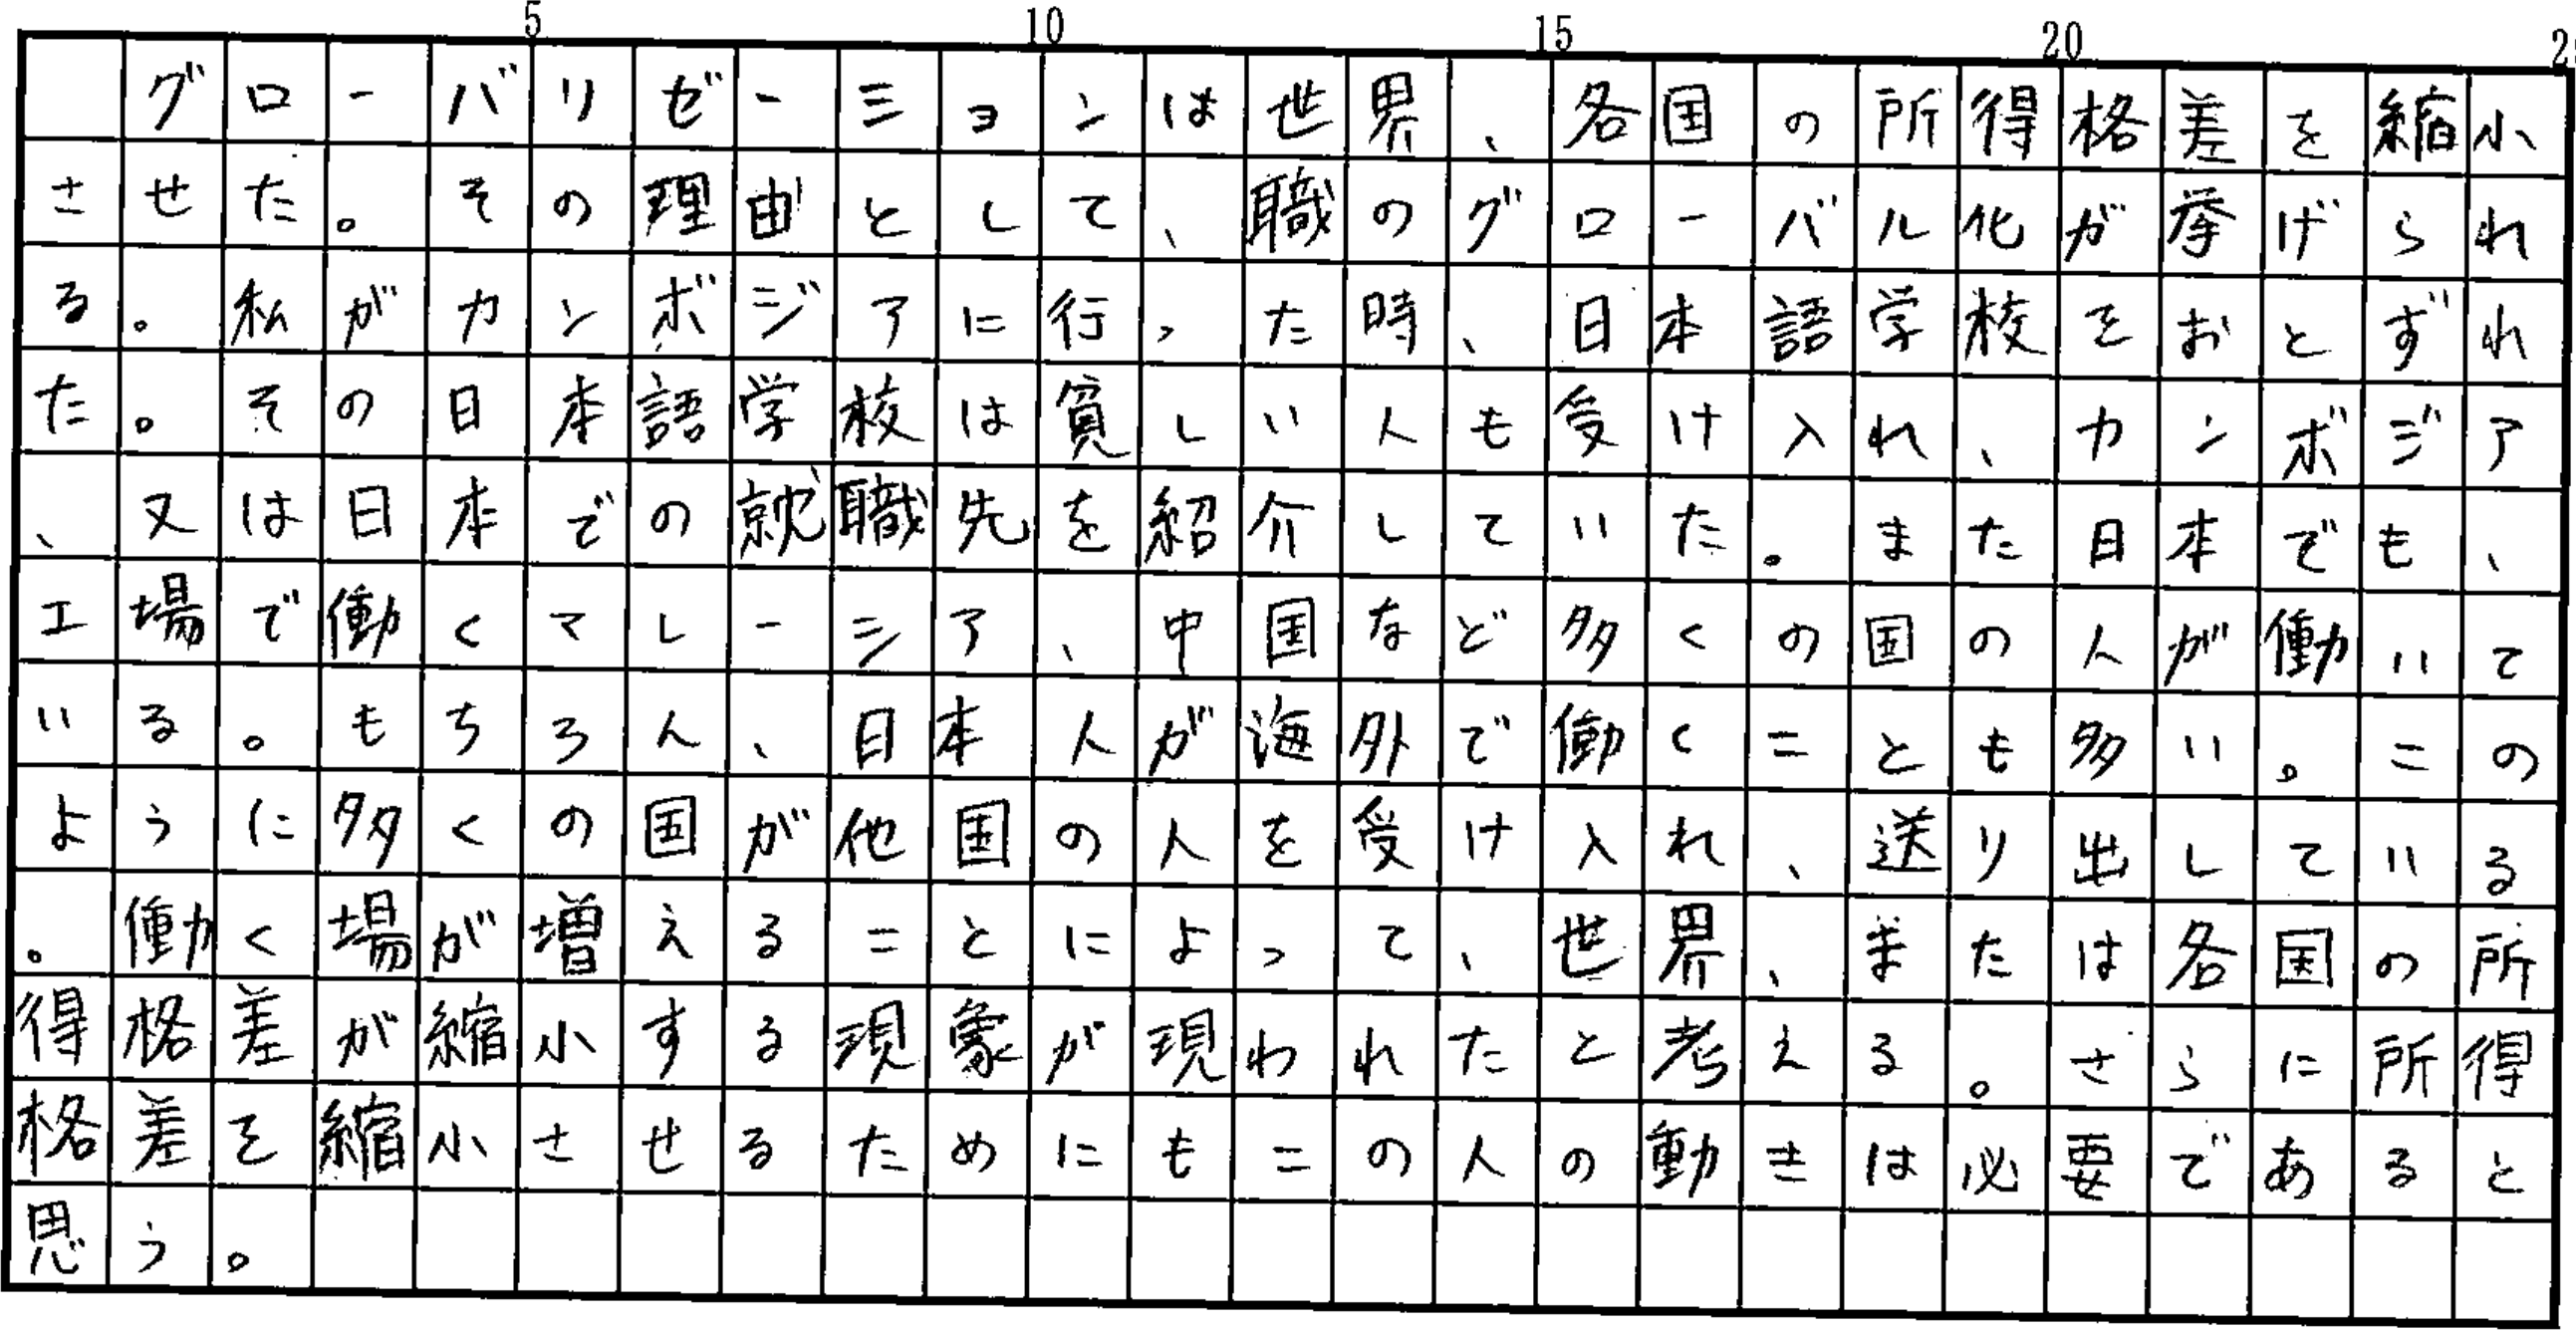　グローバリゼーションは世界、各国の所得格差を縮小させた。その理由として、職のグローバル化が挙げられる。私がカンボジアに行った時、日本語学校をおとずれた。その日本語学校は貧しい人も受け入れ、カンボジア、又は日本での▁職先を紹介していた。また日本でも、工場で働くマレーシア、中国など多くの国の人が働いている。もちろん、日本人が海外で働くことも多い。このように多くの国が他国の人を受け入れ、送り出している。働く場が増えることによって、世界、または各国の所得格差が縮小する現象が現われたと考えられる。さらに所得格差を縮小させるためにもこの人の動きは必要であると思う。
